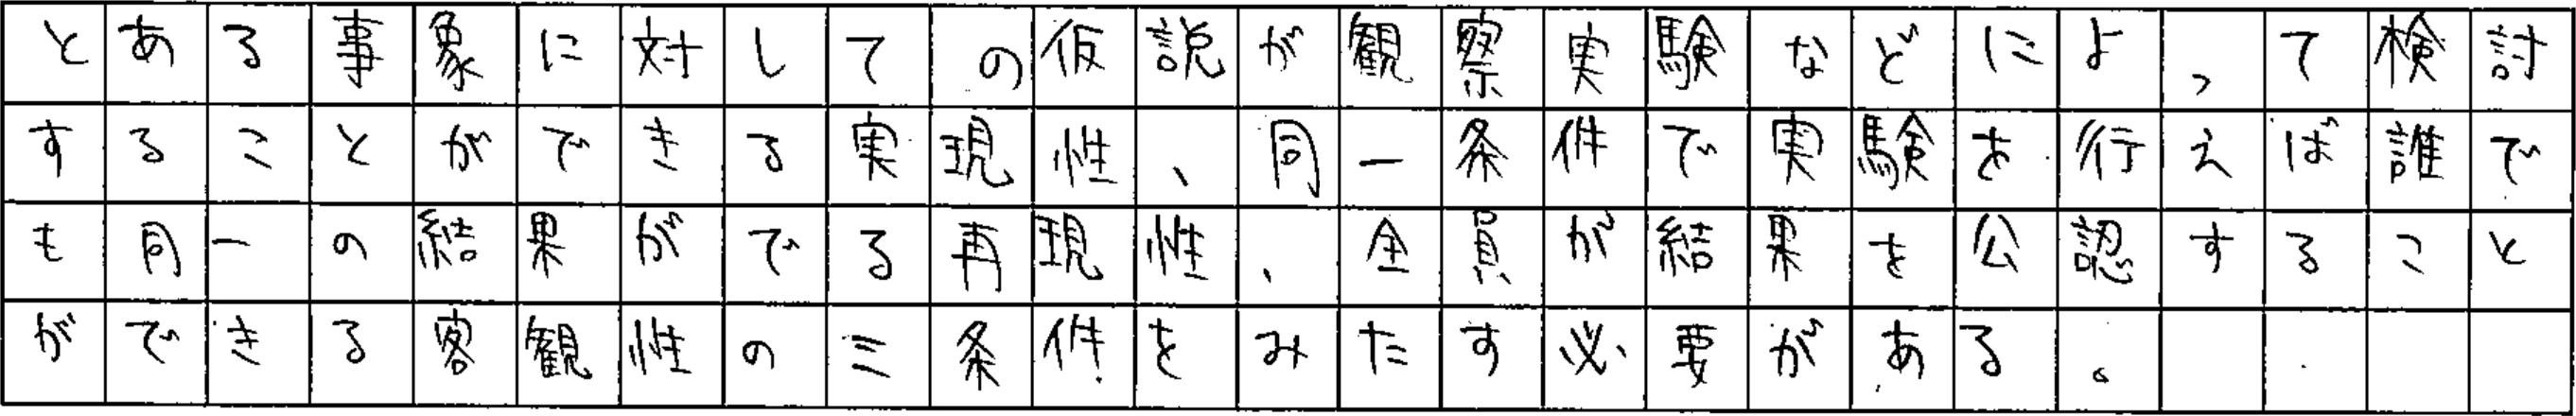とある事象に対しての仮説が観察実験などによって検討することができる実現性、同一条件で実験を行えば誰でも同一の結果がでる再現性、全員が結果を公認することができる客観性の三条件をみたす必要がある。
